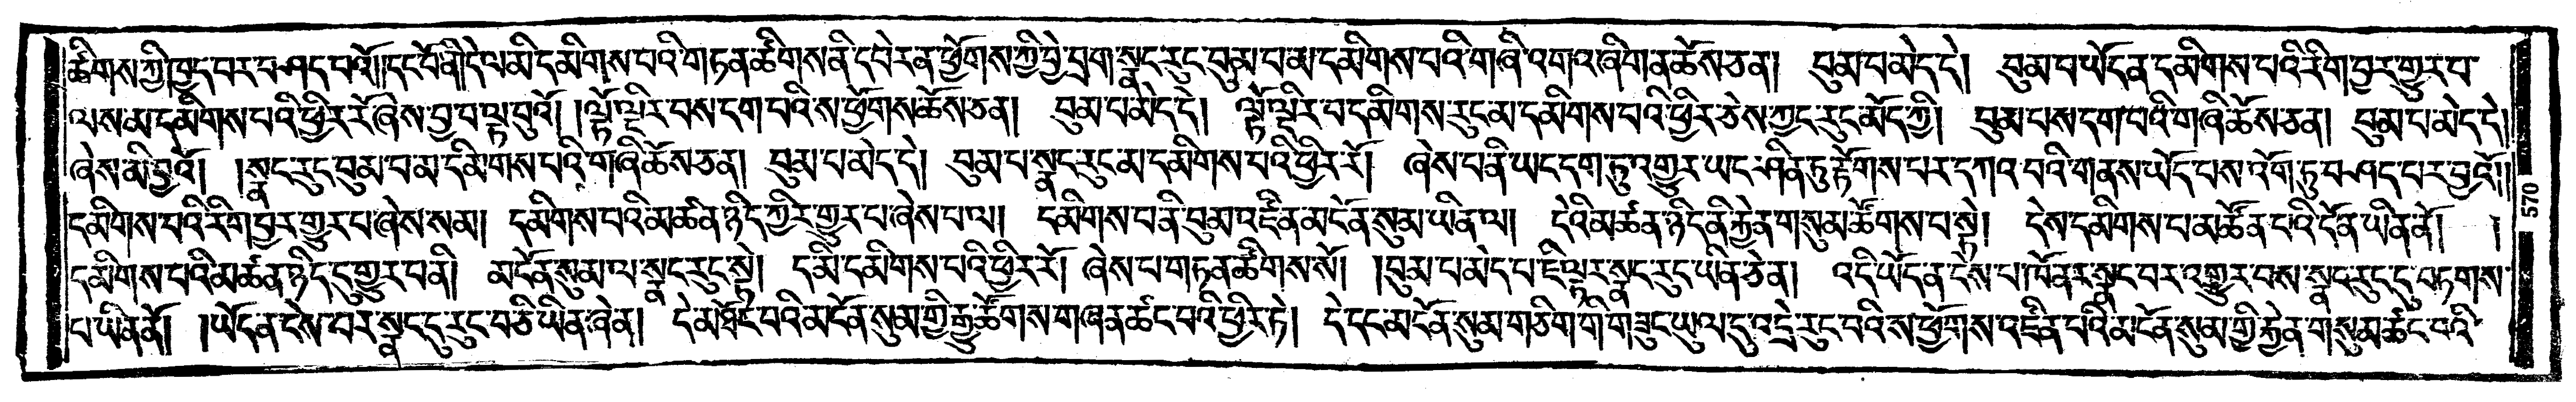ཚིགས་ཀྱི་ཁྱད་པར་བཤད་པའོ། །དང་པོ་ནི། དེ་ལ་མི་དམིགས་པའི་གཏན་ཚིགས་ནི་དཔེར་ན་ཕྱོགས་ཀྱི་བྱེ་བྲག་སྣང་རུང་བུམ་པ་མ་དམིགས་པའི་གཞི་འགའ་ཞིག་ན་ཆོས་ཅན། བུམ་པ་མེད་དེ། བུམ་པ་ཡོད་ན་དམིགས་པའི་རིག་བྱར་གྱུར་བ་
ལས་མ་དམིགས་པའི་ཕྱིར་རོ་ཞེས་བྱ་བ་ལྟ་བུའོ། །ལྟོ་ལྡིར་བས་ངག་པའི་ས་ཕྱོགས་ཆོས་ཅན། བུམ་པ་མེད་དེ། ལྟོ་ལྡིར་བ་དམིགས་རུང་མ་དམིགས་པའི་ཕྱིར་ཅེས་ཀྱང་རུང་མོད་ཀྱི། བུམ་པས་དག་པའི་གཞི་ཆོས་ཅན། བུམ་པ་མེད་དེ།
ཞེས་མི་བྱའོ། །སྣང་རུང་བུམ་པ་མ་དམིགས་པའི་གཞི་ཆོས་ཅན། བུམ་པ་མེད་དེ། བུམ་པ་སྣང་རུང་མ་དམིགས་པའི་ཕྱིར་རོ། ཞེས་པ་ནི་ཡང་དག་ཏུ་འགྱུར་ཡང་ཤིན་ཏུ་རྟོགས་པར་དཀའ་བའི་གནས་ཡོད་པས་འོག་ཏུ་བཤད་པར་བྱའོ།།
དམིགས་པའི་རིག་བྱར་གྱུར་པ་ཞེས་སམ། དམིགས་པའི་མཚན་ཉིད་ཀྱིར་གྱུར་པ་ཞེས་པ་ལ། དམིགས་པ་ནི་བུམ་འཛིན་མངོན་སུ་མ་ཡིན་ལ། དེའི་ཚན་ཉིད་རྐྱེན་གསུམ་ཚོགས་པ་སྟེ། དེས་དམིགས་པ་མཚོན་པའི་དོན་ཡིན་ནོ་།།
དམིགས་པའི་མཚན་ཉིད་དུ་གྱུར་པ་ནི། མངོན་སུམ་ལ་སྣང་རུང་སྟེ། ད་མི་དམིགས་པའི་ཕྱིར་རོ། ཞེས་པ་གཏན་ཚིགས་སོ། །བུམ་པ་མེད་པ་ཇི་ལྟར་སྣང་རུང་ཡིན་ཅེ་ན། འདི་ཡོད་ན་ངེས་པ་ཁོ་ནར་སྣང་བར་འགྱུར་བས་སྣང་རུང་དུ་བཏགས་
བ་ཡིན་ནོ། །ཡོད་ན་ངེས་པར་སྣང་དུ་རུང་བ་ཅི་ཡིན་ཞེ་ན། དེ་མཐོང་བའི་མངོན་སུམ་གྱི་རྒྱུ་ཚོགས་གཞན་ཚང་བའི་ཕྱིར་ཏེ། དེ་དང་མངོན་སུམ་གཅིག་གི་གཟུང་ཡུལ་དུ་འདྲེ་རུང་བའི་ས་ཕྱོགས་འཛིན་པའི་མངོན་སུམ་གྱི་རྐྱེན་གསུམ་ཚང་བའི་